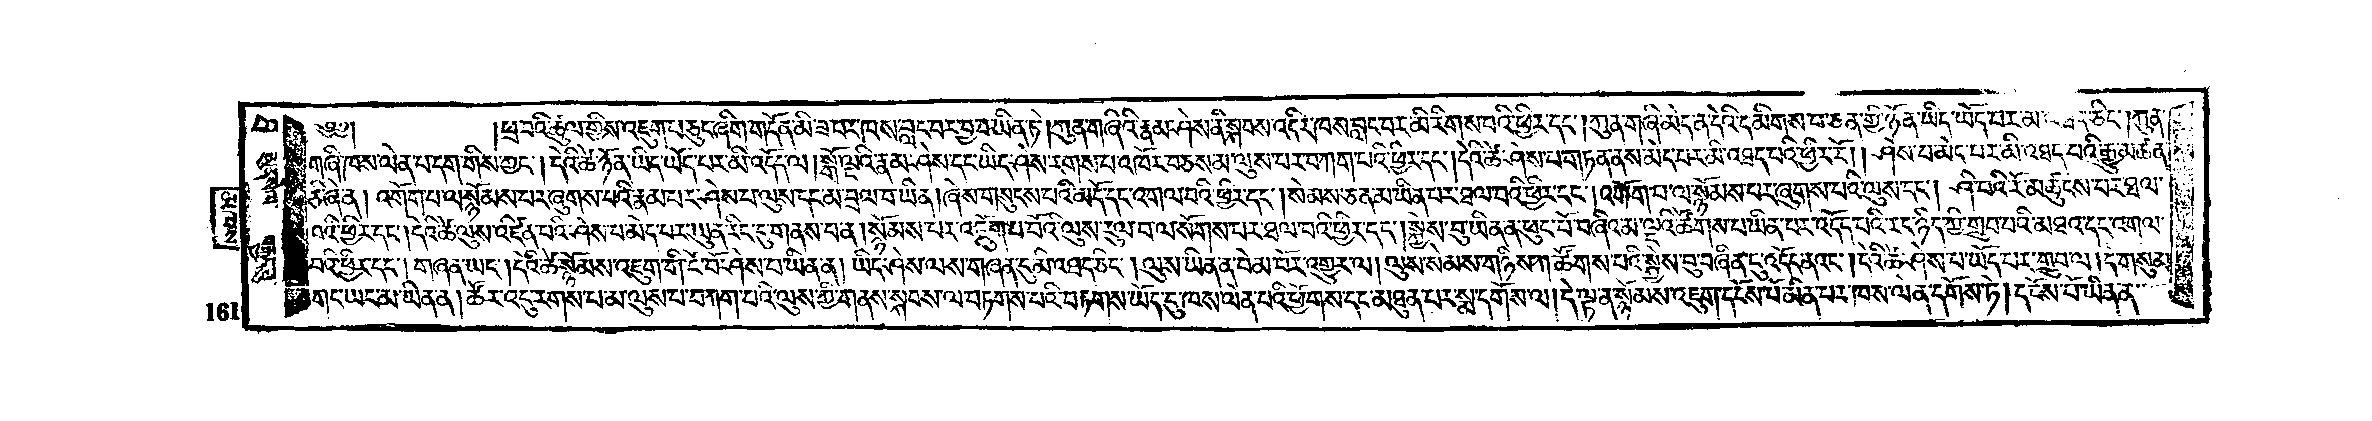༄༅། །ཕྲ་བའི་ཚུལ་གྱིས་འཇུག་པ་ཅུང་ཞིག་གདོན་མི་ཟ་བར་ཁས་བླང་བར་བྱ་བ་ཡིན་ཏེ། ཀུན་གཞིའི་རྣམ་ཤེས་ནི་སྐབས་འདིར་ཁས་བླང་བར་མི་རིགས་པའི་ཕྱིར་དང་། ཀུན་གཞི་མེད་ན་དེའི་དམིགས་པ་ཅན་གྱི་ཉོན་ཡིད་ཡོད་པར་མི་འཐད་ཅིང་། ཀུན་
གཞི་ཁས་ལེན་པ་དག་གིས་ཀྱང་། དེའི་ཚེ་ཉོན་ཡིད་ཡོད་པར་མི་འདོད་ལ། སྒོ་ལྔའི་རྣམ་ཤེས་དང་ཡིད་ཤེས་རགས་པ་འཁོར་བཅས་མ་ལུས་པར་བཀག་པའི་ཕྱིར་དང་། དེའི་ཚེ་ཤེས་པ་གཏན་ནས་མེད་པར་མི་འཐད་པའི་ཕྱིར་རོ། །ཤེས་པ་མེད་པར་མི་འཐད་པའི་རྒྱུ་མཚན་
ཅི་ཞེ་ན། འགོག་པ་ལ་སྙོམས་པར་ཞུགས་པའི་རྣམ་པར་ཤེས་པ་ལུས་དང་མ་བྲལ་བ་ཡིན། ཞེས་གསུངས་པའི་མདོ་དང་འགལ་བའི་ཕྱིར་དང་། སེམས་ཅན་མ་ཡིན་པར་ཐལ་བའི་ཕྱིར་དང་། འགོག་པ་ལ་སྙོམས་པར་ཞུགས་པའི་ལུས་དང་། ཤི་བའི་རོ་མཚུངས་པར་ཐལ་
བའི་ཕྱིར་དང་། དེའི་ཚེ་ལུས་འཛིན་པའི་ཤེས་པ་མེད་པར་ཡུན་རིང་དུ་གནས་པ་ན། སྙོམས་པར་འཇུག་པ་པོའི་ལུས་རུལ་བ་ལ་སོགས་པར་ཐལ་བའི་ཕྱིར་དང་། སྐྱེས་བུ་ཡིན་ན་ཕུང་པོ་བཞིའམ་?་ལྔའི་ཚོགས་པ་ཡིན་པར་འདོད་པའི་རང་ཉིད་ཀྱི་གྲུབ་པའི་མཐའ་དང་འགལ་
བའི་ཕྱིར་དང་། གཞན་ཡང་། དེའི་ཚེ་སྙོམས་འཇུག་གི་ངོ་བོ་ཤེས་པ་ཡིན་ན། ཡིད་ཤེས་ལས་གཞན་དུ་མི་འཐད་ཅིང་། ལུས་ཡིན་ན་བེམ་པོར་འགྱུར་ལ། ལུས་སེམས་གཉིས་ཀ་ཚོགས་པའི་སྐྱེས་བུ་བཞིན་དུ་འདོད་ནའང་། དེའི་ཚེ་ཤེས་པ་ཡོད་པར་གྲུབ་ལ། དེ་གསུམ་
གང་ཡང་མ་ཡིན་ན། ཚོར་འདུ་རགས་པ་མ་ལུས་པ་བཀག་པའི་ལུས་ཀྱི་གནས་སྐབས་ལ་བཏགས་པའི་བཏགས་ཡོད་དུ་ཁས་ལེན་པའི་ཕྱོགས་དང་མཐུན་པར་སྨ་དགོས་ལ། དེ་ལྟ་ན་སྙོམས་འཇུག་དངོས་པོ་མིན་པར་ཁས་ལེན་དགོས་ཏེ། དངོས་པོ་ཡིན་ན་